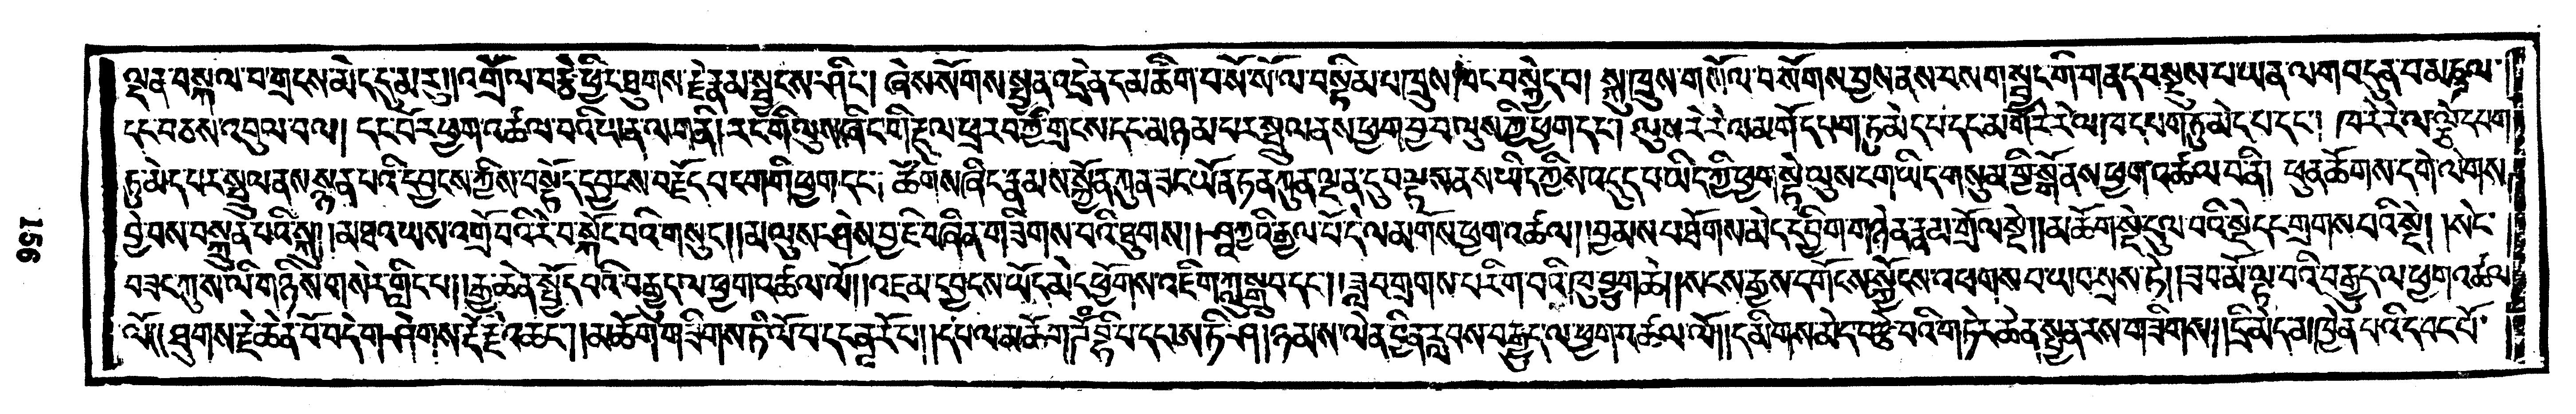ལྡན་བསྐལ་བ་གྲངས་མེད་དུ་མ་རུ། །འགྲོལ་བརྩེ་ཕྱིར་ཐུགས་རྗེ་རྣམ་སྤྱངས་ཤིང་། ཞེས་སོགས་སྤྱན་འདྲེན་དམ་ཚིག་པ་སོ་སོ་ལ་བསྟིམ་པ་ཁྲུས་ཁང་བསྐྱེད་པ། སྐུ་ཁྲུས་གསོལ་བ་སོགས་བྱས་ནས་བསག་སྦྱང་གི་གནད་བསྡུས་པ་ཡན་ལག་བདུན་པ་མཎྜལ་
དང་བཅས་འབུལ་བ་ལ། དང་པོར་ཕྱག་འཚལ་བའི་ཡན་ལག་ནི། རང་གི་ལུས་ཞིང་གི་རྡུལ་ཕྲ་རབ་ཀྱི་གྲངས་དང་མཉམ་པར་སྤྲུལ་ནས་ཕྱག་བྱ་བ་ལུས་ཀྱི་ཕྱག་དང་། ལུས་རེ་རེ་ལམ་གོ་དཔག་ཏུ་མེད་པ་དང་མགོ་རེ་རེ་ལ་ཁ་དཔག་ཏུ་མེད་པ་དང་། ཁ་རེ་རེ་ལ་ལྕེ་དཔག་
ཏུ་མེད་པར་སྤྲུལ་ནས་སྙན་པའི་དབྱངས་ཀྱིས་བསྟོད་དབྱངས་བརྗོད་བདག་གི་ཕྱག་དང་། ཚོགས་ཞིང་རྣམས་སྐྱོན་ཀུན་ཟང་ཡོན་ཏན་ཀུན་ལྡན་དུ་བལྟས་ནས་ཡིད་ཀྱིས་འདུད་པ་ཡིད་ཀྱི་ཕྱག་སྟེ་ལུས་ངག་ཡིད་གསུམ་གྱི་སྒོ་ནས་ཕྱག་འཚལ་བ་ནི། ཕུན་ཆོགས་དགེ་ལེགས་
བྱེ་བས་བསྐྲུན་པའི་སྐུ། །མཐའ་ཡས་འགྲོ་བའི་རེ་བ་སྐོང་བའི་གསུང་། །མ་ལུས་ཤེས་བྱ་ཇི་བཞིན་གཟིགས་པའི་ཐུགས། །ཤཱཀྱའི་རྒྱལ་པོ་དེ་ལ་མགོས་ཕྱག་འཚལ། །བྱམས་པ་ཐོགས་མེད་དབྱིག་གཉེན་རྣམ་གྲོལ་སྡེ། །མཆོག་སྡེ་དུལ་བའི་སྡེ་དང་གྲགས་པའི་སྡེ། །སེང་
བཟང་ཀུ་ས་ལི་གཉིས་གསེར་གླིང་པ། །རྒྱ་ཆེན་སྤྱོད་པའི་བརྒྱུད་ལ་ཕྱག་འཚལ་ལོ། །འཇམ་དབྱངས་ཡོད་མེད་ཕྱོགས་འཇིག་ཀླུ་སྒྲུབ་དང་། །ཟླ་བ་གྲངས་པ་རིག་པའི་ཁུ་བྱུག་ཆེ། །སངས་རྒྱས་དགོངས་སྐྱོངས་འཕགས་པ་ཡབ་སྲས་ཏེ། །ཟབ་མོ་ལྟ་བའི་བརྒྱུད་ལ་ཕྱག་འཚལ་
ལོ། །ཐུགས་རྗེ་ཆེན་པོ་བདེ་གཤེགས་རྡོ་རྗེ་འཆང་། །མཆོག་གཟིགས་ཏི་ལོ་པ་དང་ནཱ་རོ་པ། །དཔལ་མཆོག་ཌོཾ་བྷི་པ་དང་ཨ་ཏི་ཤ། །ཉམས་ལེན་བྱིན་རླབས་བརྒྱུད་ལ་ཕྱག་འཚལ་ལོ། །དམིགས་མེད་བརྩེ་བའི་གཏེར་ཆེན་སྤྱན་རས་གཟིགས། །དྲི་མེད་མཁྱེན་པའི་དབང་པོ་